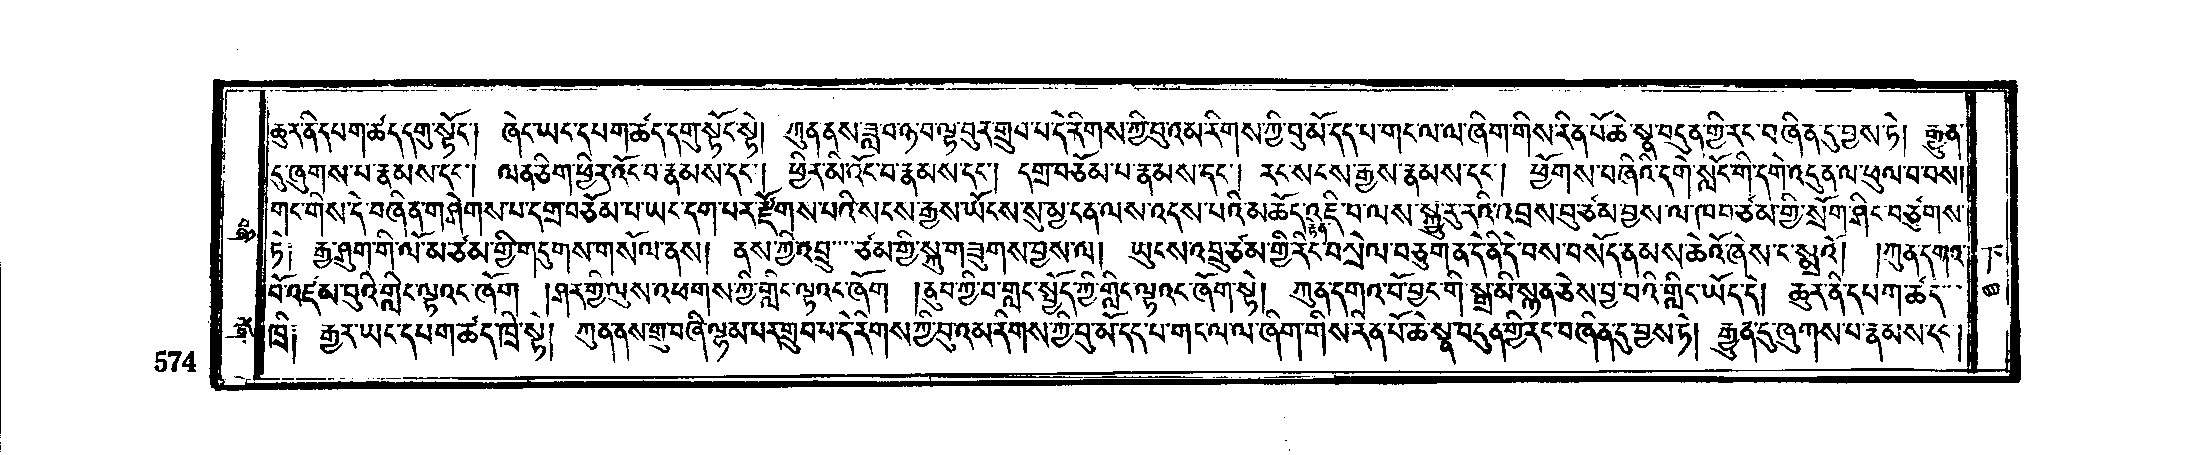ཆུར་ནི་དཔག་ཚད་དགུ་སྟོང་། ཞེང་ཡང་དཔག་ཚད་དགུ་སྟོང་སྟེ། ཀུན་ནས་ཟླ་བ་ཉ་བ་ལྟ་བུར་གྲུབ་པ་དེ་རིགས་ཀྱི་བུའམ་རིགས་ཀྱི་བུ་མོ་དད་པ་གང་ལ་ལ་ཞིག་གིས་རིན་པོ་ཆེ་སྣ་སྣ་བདུན་གྱི་རང་བཞིན་དུ་བྱས་ཏེ། རྒྱུན་
དུ་ཞུགས་པ་རྣམས་དང་། ལན་ཅིག་ཕྱིར་འོང་བ་རྣམས་དང་། ཕྱིར་མི་འོང་བ་རྣམས་དང་། དགྲ་བཅོམ་པ་རྣམས་དང་། རང་སངས་རྒྱས་རྣམས་དང་། ཕྱོགས་བཞིའི་དགེ་སློང་གི་དགེ་འདུན་ལ་ཕུལ་བ་བས།
གང་གིས་དེ་བཞིན་གཤེགས་པ་དགྲ་བཅོམ་པ་ཡང་དག་པར་རྫོགས་པའི་སངས་རྒྱས་ཡོངས་སུ་མྱ་ངན་ལས་འདས་པའི་མཆོད་རྟེན་འཇི་བ་ལས་སྐྱུ་རུ་རའི་འབྲས་བུ་ཙམ་བྱས་ལ་ཁབ་ཙམ་གྱི་སྲོག་ཤིང་བཙུགས་
ཏེ༑ རྒྱ་ཤུག་གི་ལོ་མ་ཙམ་གྱི་གདུགས་གསོལ་ནས། ནས་ཀྱི་འབྲུ་ཙམ་གྱི་སྐུ་གཟུགས་བྱས་ལ། ཡུངས་འབྲུ་ཙམ་གྱི་རིང་བསྲེལ་བཅུག་ན་དེ་ནི་དེ་བས་བསོད་ནམས་ཆེའོ་ཞེས་ང་སྨྲའོ། །ཀུན་དགའ་
བོ་འཛམ་བུའི་གླིང་ལྟའང་ཞོག །ཤར་གྱི་ལུས་འཕགས་ཀྱི་གླིང་ལྟའང་ཞོག །ནུབ་ཀྱི་བ་གླང་སྤྱོད་ཀྱི་གླིང་ལྟའང་ཞོག་སྟེ། ཀུན་དགའ་བོ་བྱང་གི་སྒྲ་མི་སྙན་ཅེས་བྱ་བའི་གླིང་ཡོད་དེ། ཆུར་ནི་དཔག་ཚད་
ཁྲི༑ རྒྱར་ཡང་དཔག་ཚད་ཁྲི་སྟེ། ཀུན་ནས་གྲུ་བཞི་ལྷམ་པར་གྲུབ་པ་དེ་རིགས་ཀྱི་བུ་འམ་རིགས་ཀྱི་བུ་མོ་དད་པ་གང་ལ་ལ་ཞིག་གིས་རིན་པོ་ཆེ་སྣ་བདུན་གྱི་རང་བཞིན་དུ་བྱས་ཏེ། རྒྱུན་དུ་ཞུགས་པ་རྣམས་དང་།